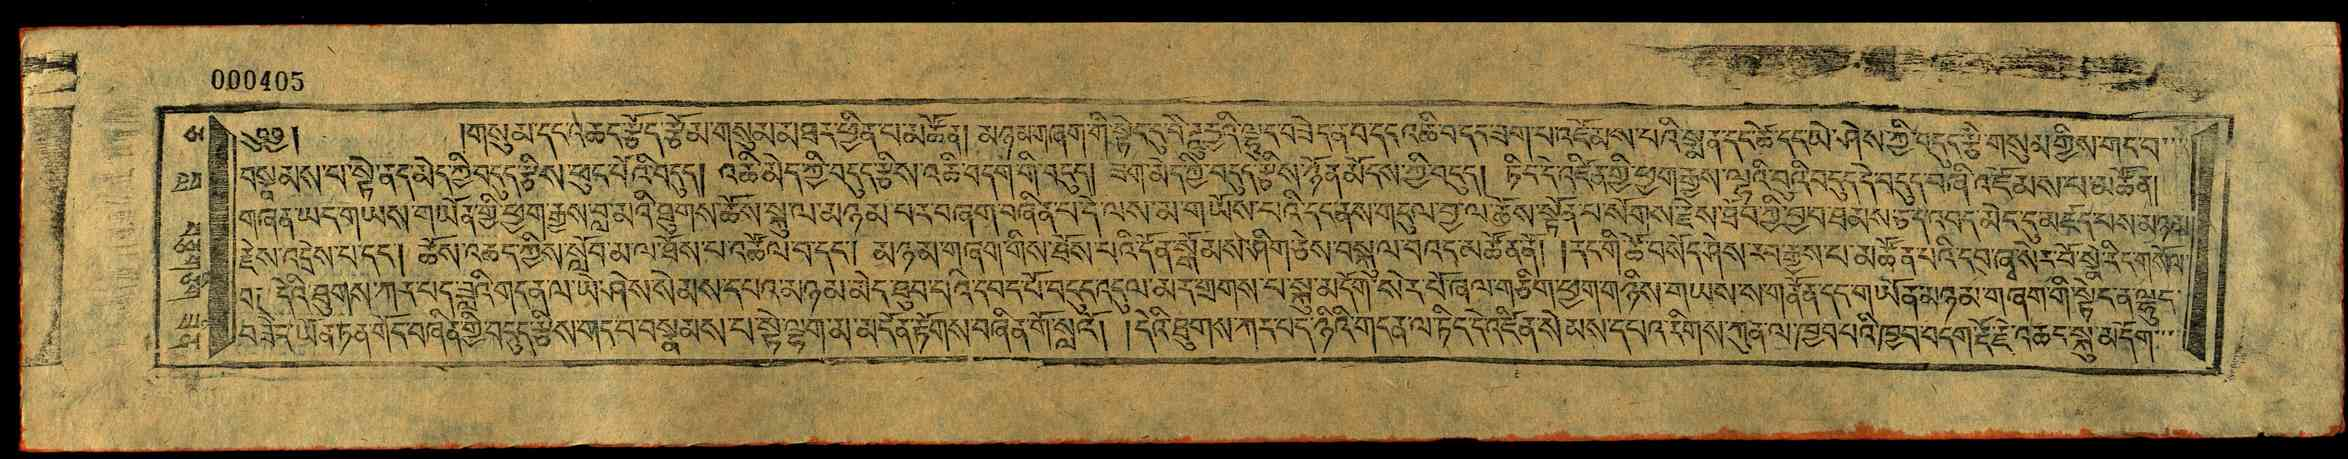༄༅། །གསུམ་དང་འཆད་རྩོད་རྩོམ་གསུམ་མཐར་ཕྱིན་པ་མཚོན། མཉཾ་གཞག་གི་སྟེང་དུ་བཻཌཱུརྱའིལྷུང་བཟེད་ན་བ་དང་འཆི་བ་དང་ཟག་པ་འཇོམས་པའི་སྨན་དང་ཚེ་དང་ཡེ་ཤེས་ཀྱི་བདུད་རྩི་གསུམ་གྱིས་གང་བ་
བསྣམས་པ་སྟེ་ནད་མེད་ཀྱི་བདུད་རྩིས་ཕུང་པོའི་བདུད། འཆི་མེད་ཀྱི་བདུད་རྩིས་འཆི་བདག་གི་བདུད། ཟག་མེད་ཀྱི་བདུད་རྩིས་ཉོན་མོངས་ཀྱི་བདུད། ཏིང་ངེ་འཛིན་གྱི་ཕྱག་རྒྱས་ལྷའི་བུའི་བདུད་དེ་བདུད་བཞི་འཇོམས་པ་མཚོན།
གཞན་ཡང་གཡས་གཡོན་གྱི་ཕྱག་རྒྱས་བླ་མའི་ཐུགས་ཆོས་སྐུ་ལ་མཉམ་པར་བཞག་བཞིན་པ་དེ་ལས་མ་གཡོས་པའི་དང་ནས་གདུལ་བྱ་ལ་ཆོས་སྟོན་པ་སོགས་རྗེས་ཐོབ་ཀྱི་བྱ་བ་ཐམས་ཅད་འབད་མེད་དུ་མཛད་པས་མཉམ་
རྗེས་འདྲེས་པ་དང་། ཆོས་འཆད་ཀྱིས་སློབ་མ་ལ་ཐོས་པ་འཚོལ་བ་དང་། མཉམ་གཞག་གིས་ཐོས་པའི་དོན་སྒོམས་ཤིག་ཅེས་བསྐུལ་བའང་མཚོན་ནོ། །རང་གི་ཚེ་བསོད་ཤེས་རབ་རྒྱས་པ་མཚོན་པའི་དབུ་ཞྭ་སེར་པོ་སྣེ་རིང་གསོལ་
བ༑ དེའི་ཐུགས་ཀར་པད་ཟླའི་གདན་ལ་ཡེ་ཤེས་སེམས་དཔའ་མཉམ་མེད་ཐུབ་པའི་དབང་པོ་བདུད་འདུལ་མར་གྲགས་པ་སྐུ་མདོག་སེར་པོ་ཞལ་གཅིག་ཕྱག་གཉིས་གཡས་ས་གནོན་དང་གཡོན་མཉམ་གཞག་གི་སྟེང་ན་ལྷུང་
བཟེད་ཡོན་ཏན་གོང་བཞིན་གྱི་བདུད་རྩིས་གང་བ་བསྣམས་པ་སྟེ་ལྷག་མ་མངོན་རྟོགས་བཞིན་གོ་སླའོ། །དེའི་ཐུགས་ཀར་པད་ཉིའི་གདན་ལ་ཏིང་ངེ་འཛིན་སེམས་དཔའ་རིགས་ཀུན་ལ་ཁྱབ་པའི་ཁྱབ་བདག་རྡོ་རྗེ་འཆང་སྐུ་མདོག་